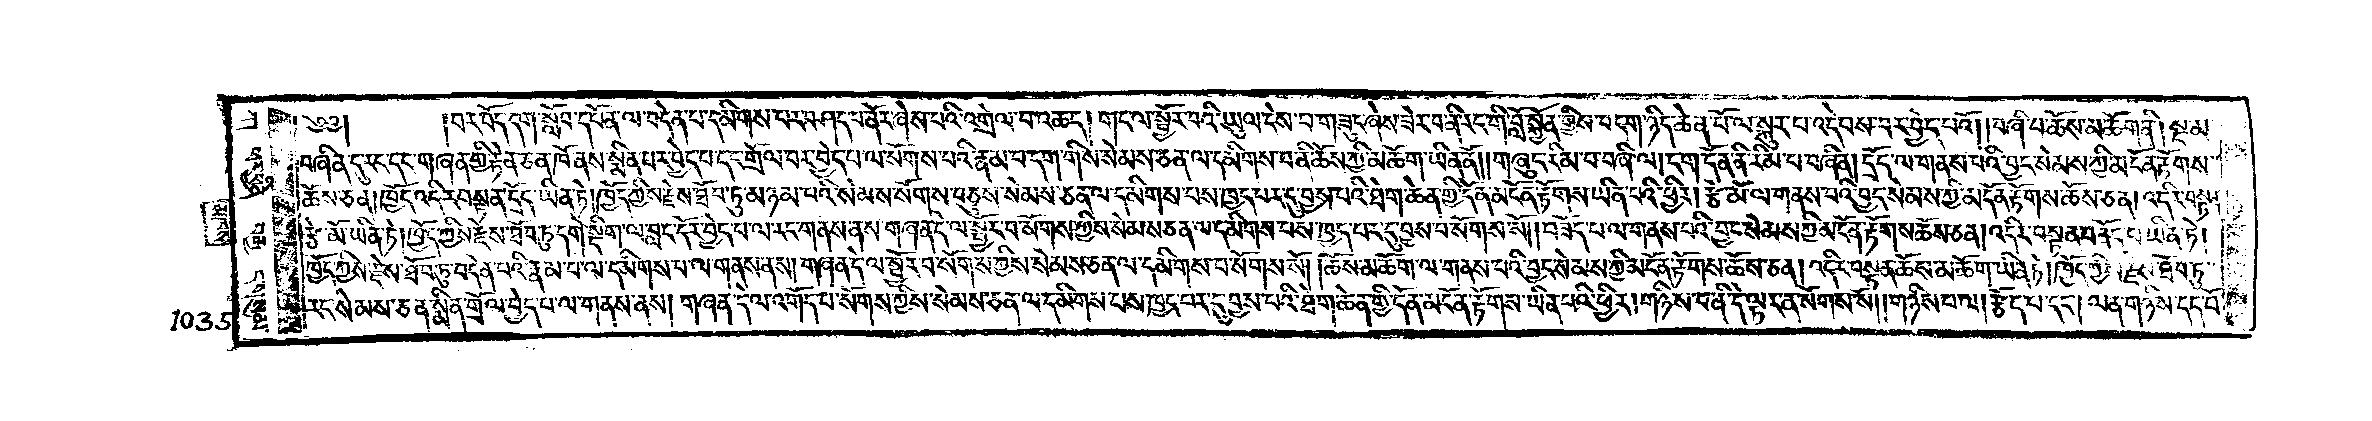༄༅། །བར་བོད་དག་སློབ་དཔོན་ལ་བདེན་པ་དམིགས་པར་བཤད་པ་ནོར་ཞེས་པའི་འགྲེལ་པ་འཆད། གང་ལ་སྦྱོར་བའི་ཡུལ་ངེས་པ་གཟུང་ཞེས་ཟེར་བ་ནི་རང་གི་བློ་སྐྱོན་གྱིས་བདག་ཉིད་ཆེན་པོ་ལ་སྐུར་བ་འདེབས་པར་བྱེད་པའོ། །བཞི་པ་ཆོས་མཆོག་ནི། སྔ་མ་
བཞིན་དུ་རང་དང་གཞན་གྱི་རྟེན་ཅན་ཁོ་ནས་སྨིན་པར་བྱེད་པ་དང་གྲོལ་བར་བྱེད་པ་ལ་སོགས་པའི་རྣམ་པ་དག་གིས་སེམས་ཅན་ལ་དམིགས་པ་ནི་ཆོས་ཀྱི་མཆོག་ཡིན་ནོ། །གཞུང་རིམ་པ་བཞི་ལ། ངག་དོན་ནི་རིམ་པ་བཞིན། དྲོད་ལ་གནས་པའི་བྱང་སེམས་ཀྱི་མངོན་རྟོགས་
ཆོས་ཅན། ཁྱོད་འདིར་བསྟན་དྲོད་ཡིན་ཏེ། ཁྱོད་ཀྱིས་རྗེས་ཐོབ་ཏུ་མཉམ་པའི་སེམས་སོགས་བཅུས་སེམས་ཅན་ལ་དམིགས་པས་ཁྱད་པར་དུ་བྱས་པའི་ཐེག་ཆེན་གྱི་དོན་མངོན་རྟོགས་ཡིན་པའི་ཕྱིར། རྩེ་མོ་ལ་གནས་པའི་བྱང་སེམས་ཀྱི་མངོན་རྟོགས་ཆོས་ཅན། འདིར་བསྟན་
རྩེ་མོ་ཡིན་ཏེ། ཁྱོད་ཀྱིས་རྗེས་ཐོབ་ཏུ་དགེ་སྡིག་ལ་བླང་དོར་བྱེད་པ་ལ་རང་གནས་ནས་གཞན་དེ་ལ་སྦྱོར་བ་སོགས་ཀྱིས་སེམས་ཅན་ལ་དམིགས་པས་ཁྱད་པར་དུ་བྱས་པ་སོགས་སོ། །བཟོད་པ་ལ་གནས་པའི་བྱང་སེམས་ཀྱི་མངོན་རྟོགས་ཆོས་ཅན། འདིར་བསྟན་བཟོད་པ་ཡིན་ཏེ།
ཁྱོད་ཀྱིས་རྗེས་ཐོབ་ཏུ་བདེན་པའི་རྣམ་པ་ལ་དམིགས་པ་ལ་གནས་ནས། གཞན་དེ་ལ་སྦྱོར་བ་སོགས་ཀྱིས་སེམས་ཅན་ལ་དམིགས་པ་སོགས་སོ། །ཆོས་མཆོག་ལ་གནས་པའི་བྱང་སེམས་ཀྱི་མངོན་རྟོགས་ཆོས་ཅན། འདིར་བསྟན་ཆོས་མཆོག་ཡིན་ཏེ། ཁྱོད་ཀྱིས་རྗེས་ཐོབ་ཏུ་
རང་སེམས་ཅན་སྨིན་གྲོལ་བྱེད་པ་ལ་གནས་ནས། གཞན་དེ་ལ་འགོད་པ་སོགས་ཀྱིས་སེམས་ཅན་ལ་དམིགས་པས་ཁྱད་པར་དུ་བྱས་པའི་ཐེག་ཆེན་གྱི་དོན་མངོན་རྟོགས་ཡིན་པའི་ཕྱིར། གཉིས་པ་ནི་དེ་ལྟར་ན་སོགས་སོ། །གཉིས་པ་ལ། རྩོད་པ་དང་། ལན་གཉིས་དང་པོ་